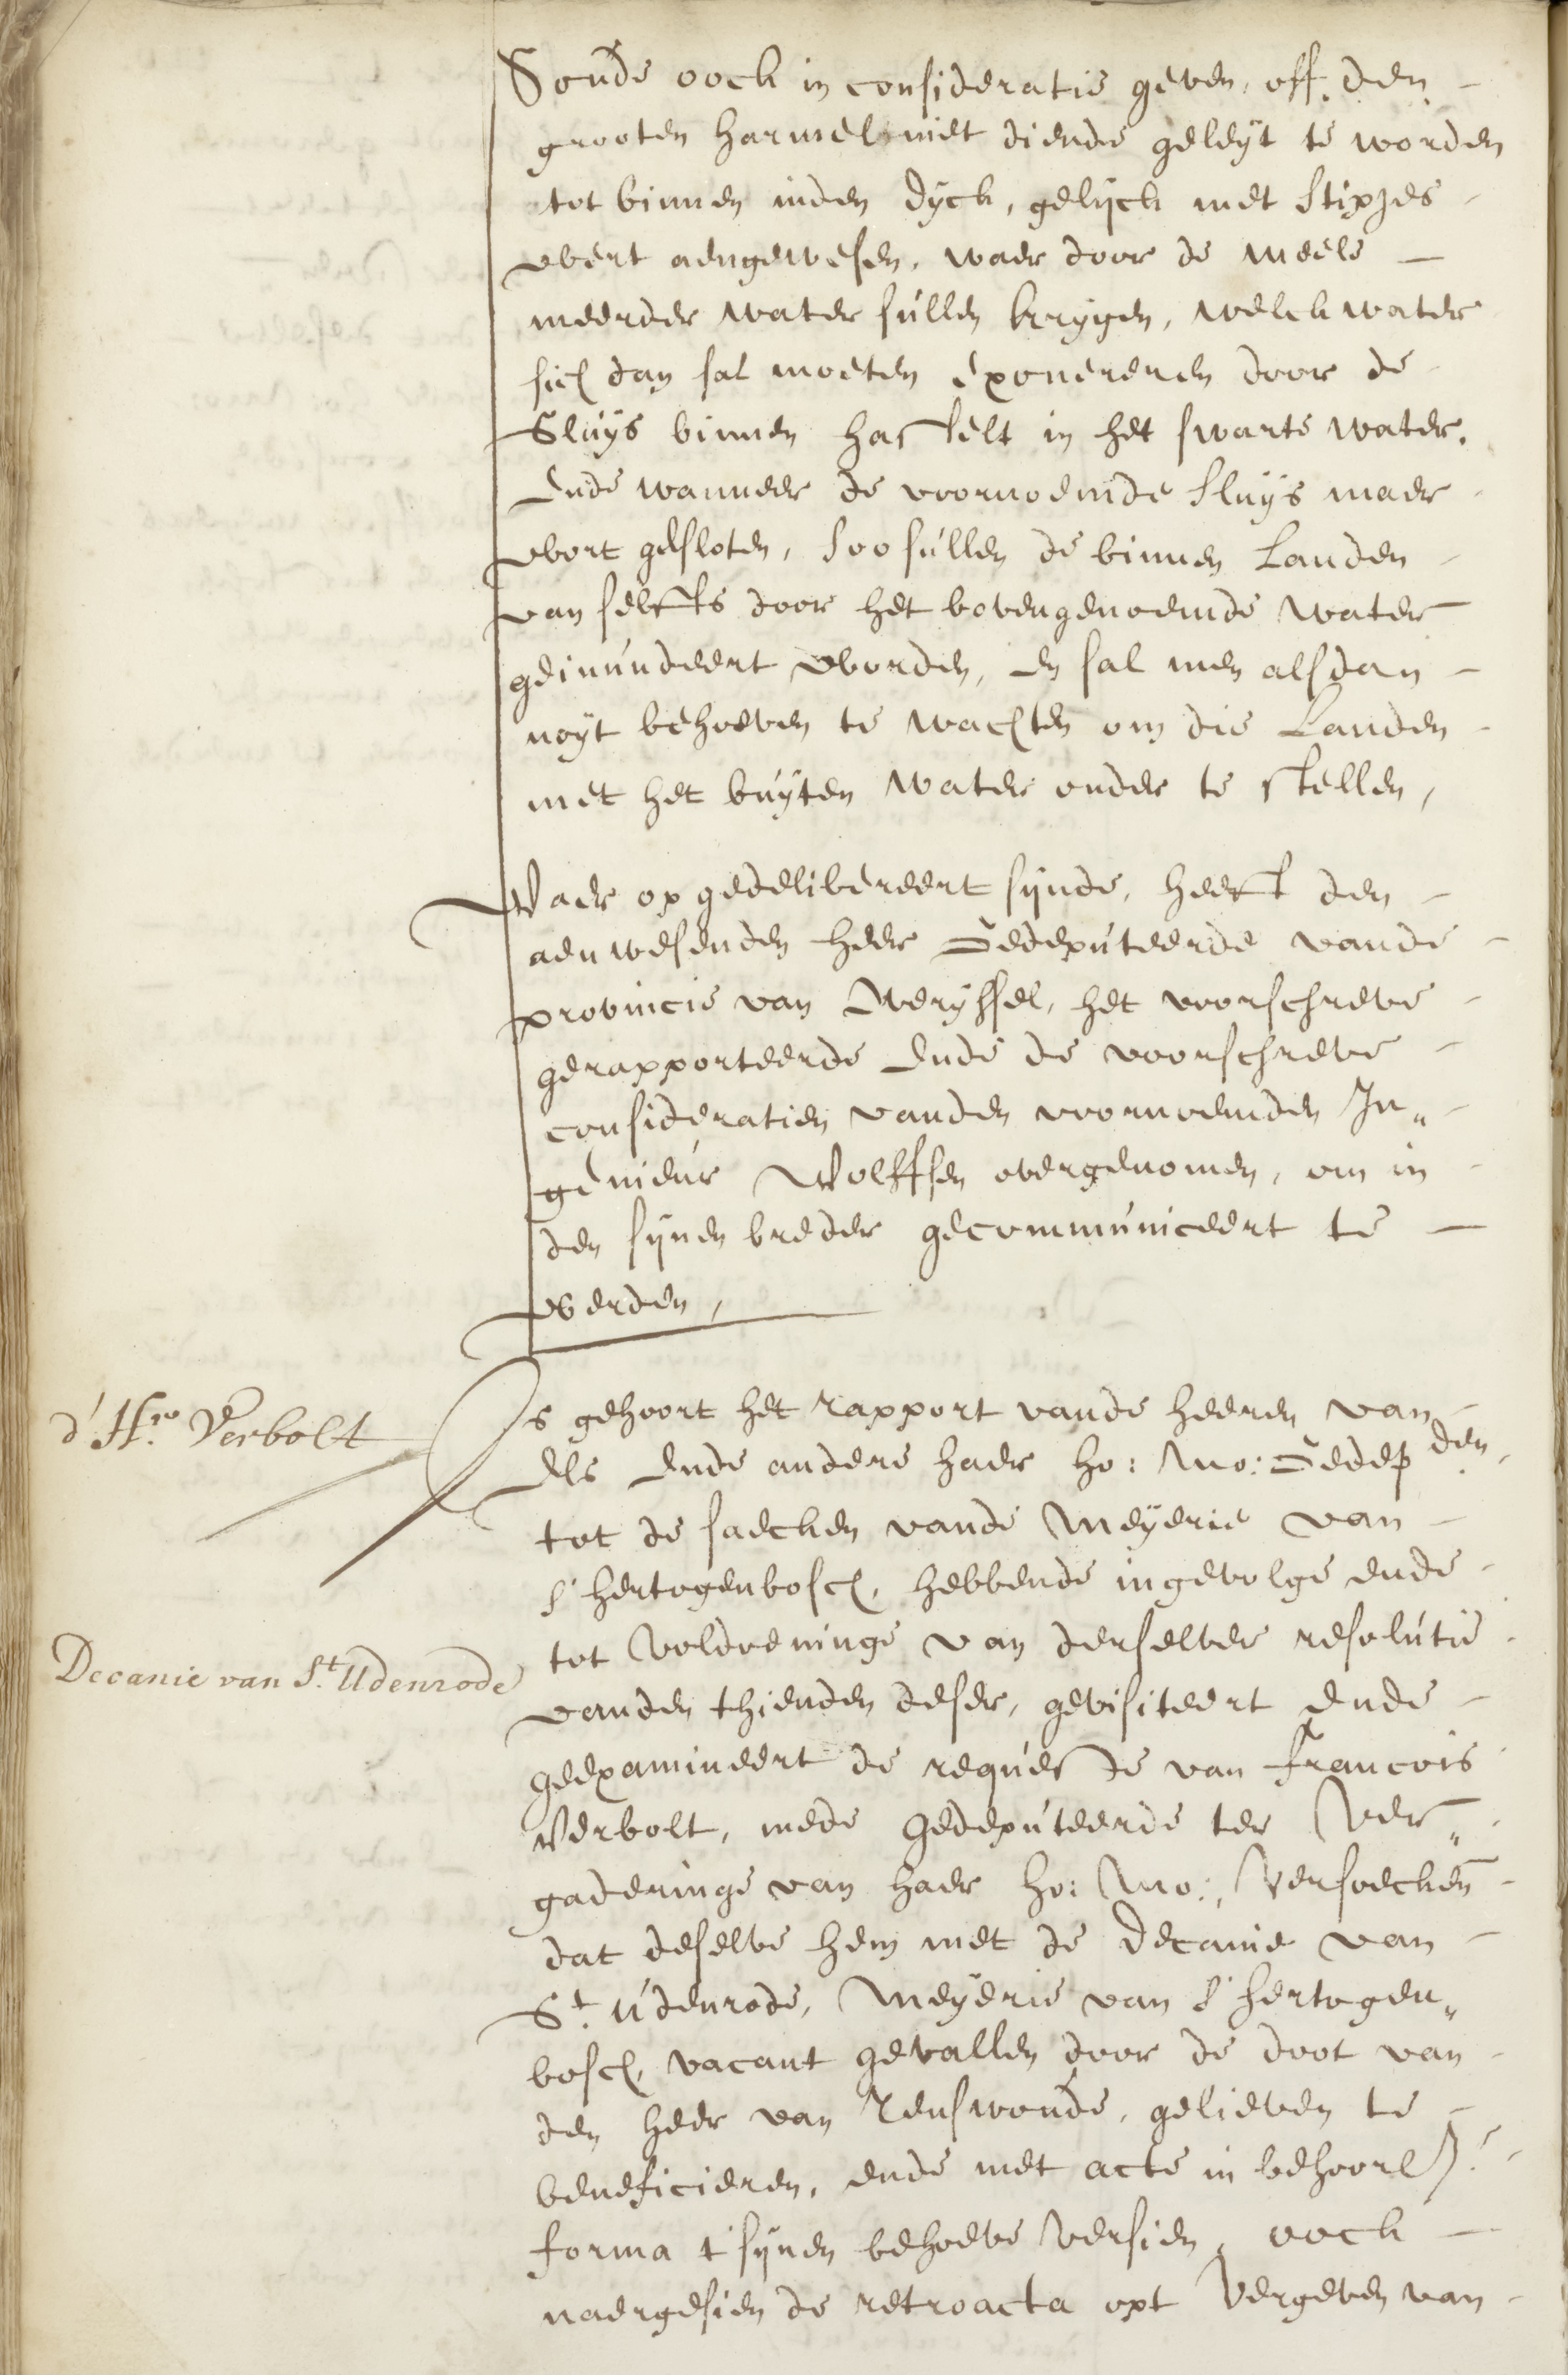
Soude oock in consideratie geven, off den
grooten harmel niet diende geleijt te worden
tot binnen inden dijck, gelijck met stipjes
wert aengewesen, waer door de Meele
meerder water sullen krijgen, welck water
sich dan sal moeten exonereren door de
Sluijs binnen hasselt in het swarte water,
ende wanneer de voornoemde sluijs maer
wort gesloten, soo sullen de binnen Landen
van selffs door het bovengenoemde water
geinundeert worden, en sal men alsdan
noijt behoeven te wachten om die Landen
met het buijten water onder te stellen.
Waer op gedelibereert sijnde, heeft den
aenwesenden heer Gedeputeerde vande
provincie van Overijssel, het voorschreve
gerapporteerde ende de voorschreve
consideratien vanden voornoemden In„
genieur Wolffsen overgenomen, om in
den sijnen breder gecommuniceert te
werden.
d'Hr. Verbolt
Decanie van St. Udenrode
Is gehoort het rapport vande heeren van
Els ende andere haer ho:Mo: Gedepden.
tot de saecken vande Meijerie van
s‛hertogenbosch, hebbende ingevolge ende
tot voldoeninge van derselver resolutie
vanden thienden deser, gevisiteert ende
geexamineert de requeste van Francois
Verbolt, mede gedeputeerde ter Ver„
gaderinge van haer ho:Mo: versoecken
dat deselve hem met de Decanie van
St. Udenrode, Meijerie van s'hertogen„
bosch, vacant gevallen door de doot van
den heer van Renswoude, gelieven te
beneficieren, ende met acte in behoorl.
forma t'sijnen behoeve versien, oock -
naergesien de retroacta opt Vergeven van
